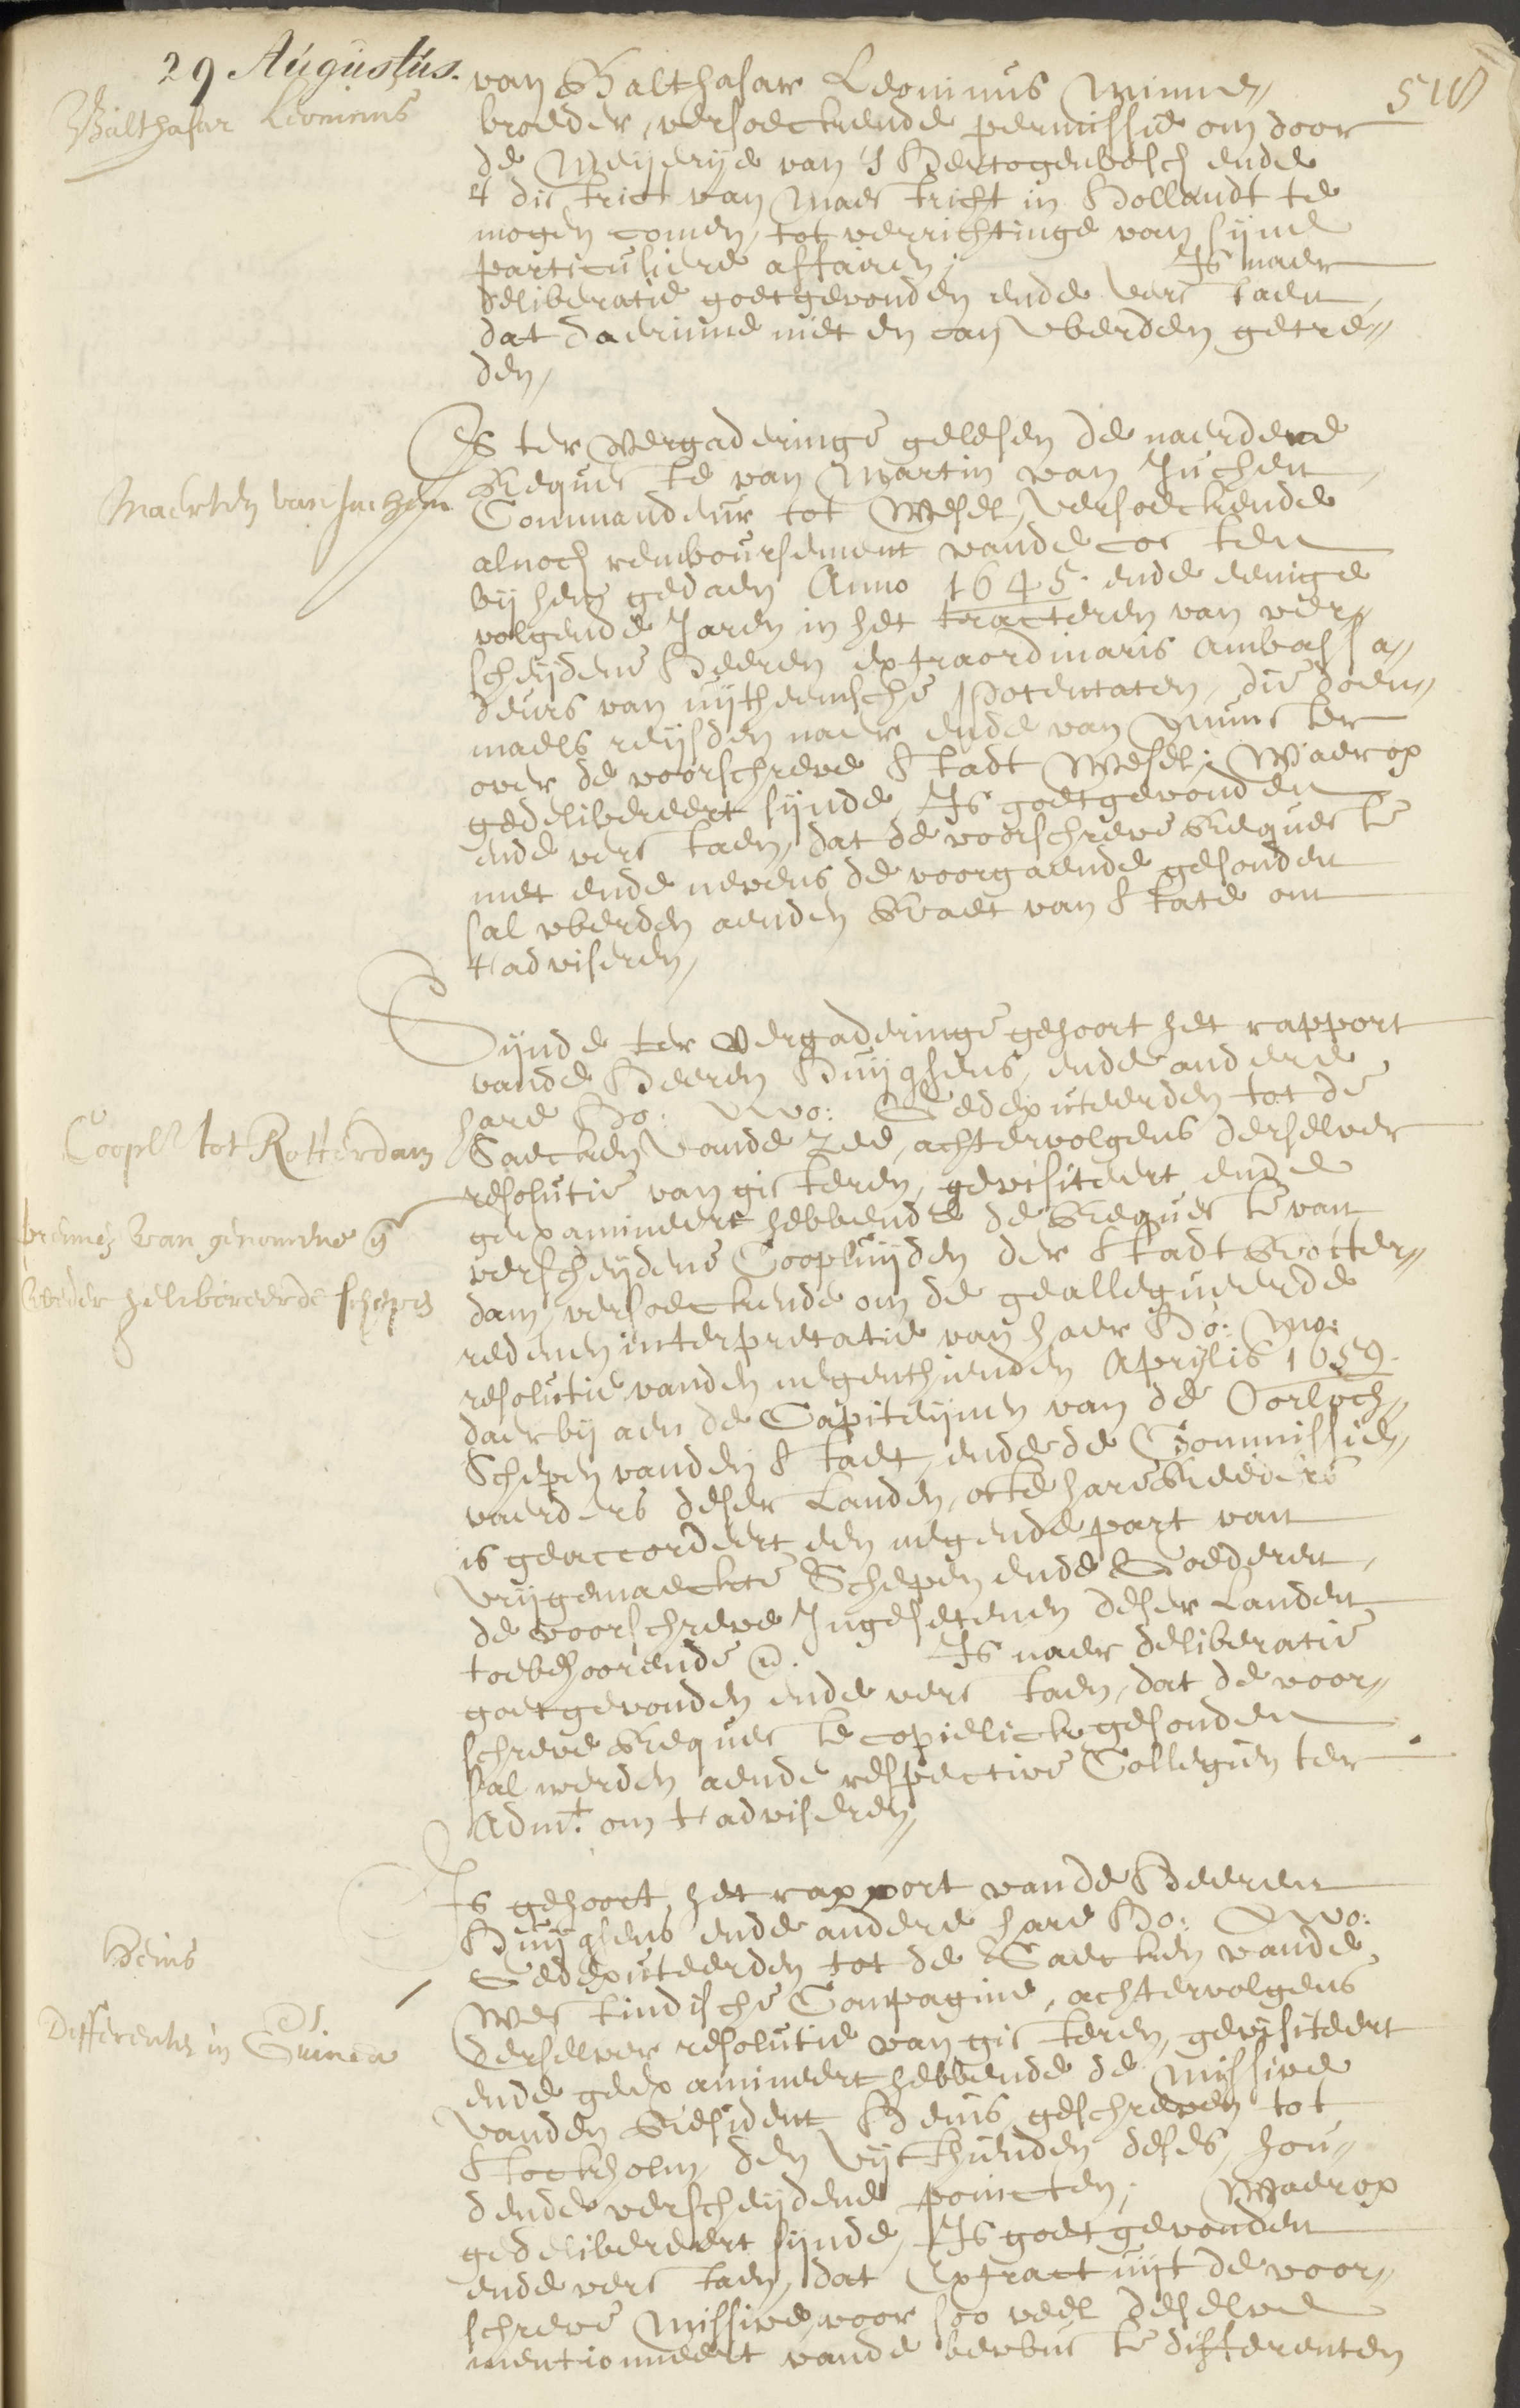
518
29. Augustus.
Balthasar Leoninus
van Balthasar Leoninus Minne„
broeder, versoeckende permissie om door
de Meijerije van ‛s Hertogenbosch ende
't district van Maestricht in Hollandt te
mogen comen, tot verrichtinge van sijne
particuliere affairen: Is naer
deliberatie goetgevonden ende verstaen
dat daerinne niet en can werden getre„
den.
Maerten van Juchem.
Is ter vergaderinge gelesen de naerdere
Requeste van Martin van Juchen
Commandeur tot Wesel, versoeckende
alnoch remboursement vande costen
bij hem gedaen Anno 1645 ende eenige
volgende Jaren in het tracteren van ver,,
scheijdene Heeren extraordinaris Ambassa,,
deurs van uijtheemsche potentaten, die doen„
maels reijsden naer ende van Munster
over de voorschreve Stadt Wesel: Waerop
gedelibereert sijnde, Is goetgevonden
ende verstaen, dat de voorschreve Requeste
met ende nevens de voorgaende gesonden
sal werden aenden Raet van State om
t'adviseren.
Coopl tot Rotterdam
Premien van genomene ende
weder gelibereerde schepen
Sijnde ter Vergaderinge gehoort het rapport
vande Heeren Huijghens ende andere
hare Ho:Mo: Gedeputeerden tot de
Saecken vande Zee, achtervolgens derselver
resolutie van gisteren, gevisiteert ende
geexamineert hebbende de Requeste van
verscheijdene Coopluijden der Stadt Rotter,,
dam, versoeckende om de geallegueerde
redenen interpretatie van haer Ho:Mo:
resolutie vanden negenthienden Aprilis 1659
daerbij aen de Capiteijnen van de Oorloch,,
Schepen vanden Staet, ende de Commissie,,
vaerders deser Landen, ofte hare Reeders
is geaccordeert een negende part van
vrijgemaeckte Schepen ende Goederen,
de voorschreve Ingesetenen deser Landen
toebehoorende @. Is naer deliberatie
goetgevonden ende verstaen, dat de voor„
schreve Requeste copielick gesonden
sal werden aende respective Collegien ter
Admt. om t'adviseren.
Heins
Differenten in Guinea
Is gehoort het rapport van de Heeren
Huijghens ende andere hare Ho:Mo:
Gedeputeerden tot de Saecken vande
Westindische Compagnie, achtervolgens
derselver resolutie van gisteren, gevisiteert
ende geexamineert hebbende de missive
vanden Resident Heins geschreven tot
Stockholm, den vijfthienden deses hou„
dende verscheijdene poincten; Waerop
gedelibereert sijnde, Is goetgevonden
ende verstaen, dat Extract uijt de voor„
schreve missive voor soo veel deselve
mentionneert vande bewuste differenten
